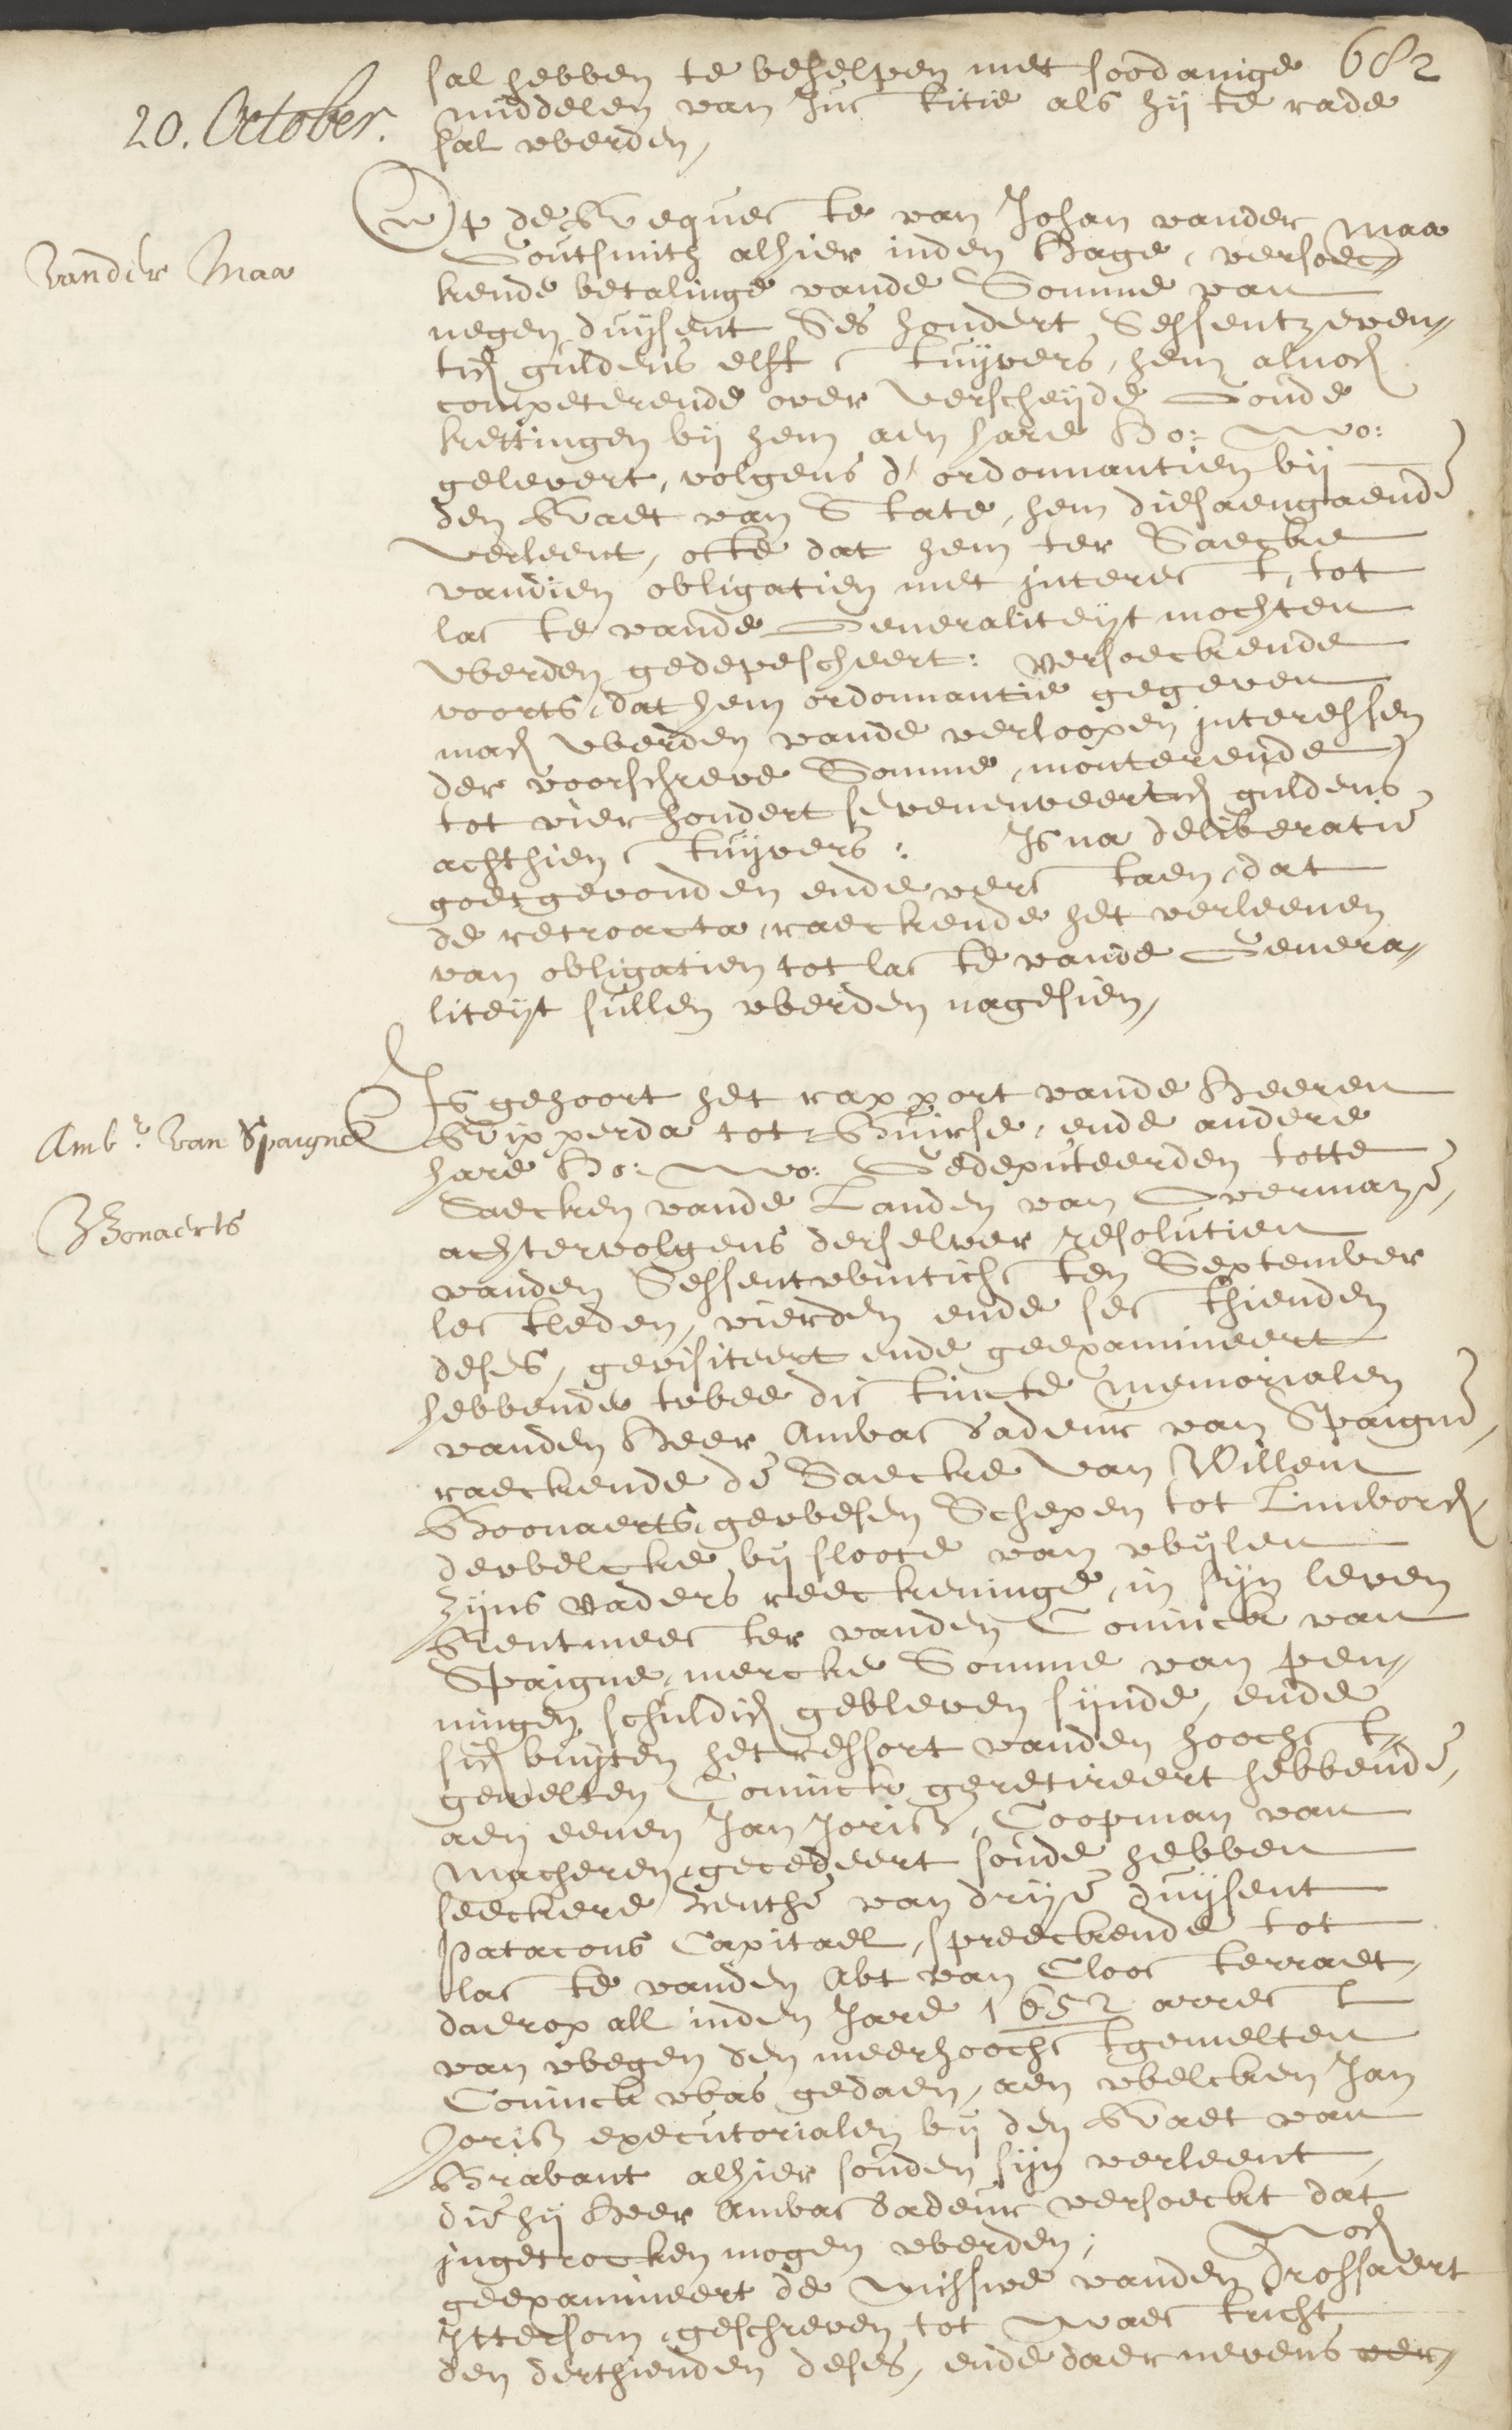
682
20. October
sal hebben te behelpen met soodanige
middelen van Justitie als hij te rade
sal werden.
Van der Maa
Op de Requeste van Johan vanden Maa
Goutsmith alhier inden Hage, versoec„
kende betalinge vande Somme van
negen duijsent Ses hondert sessentzeven„
tich guldens elff stuijvers, hem alnoch
competerende over verscheijde Goude
kettingen bij hem aen hare Ho:Mo:
gelevert, volgens d'ordonnantien bij
den Raet van State, hem diesaengaende
verleent, ofte dat hem ter Saecke
vandien obligatien met interest, tot
laste vande Generaliteijt mochten
werden gedespecheert: versoeckende
voorts dat hem ordonnantie gegeven
mach werden vande verloopen interessen
der voorschreve Somme, monterende
tot vier hondert sevenenveertich guldens
achthien stuijvers: Is na deliberatie
goetgevonden ende verstaen, dat
de retroacta raeckende het verleenen
van obligatien tot laste vande Genera„
liteijt sullen werden nagesien.
Ambr. van Spaigne
Bonaerts
Is gehoort het rapport vande heeren
Ripperda tot Buirse, ende andere
haere Ho:Mo: Gedeputeerden totte
Saecken vande Landen van Overmaze,
achtervolgens derselver resolutien
vanden Sessentwintichsten September
lestleden, vierden ende sesthienden
deses, gevisiteert ende geexamineert
hebbende twee distincte memorialen
vanden Heer Ambassadeur van Spaigne,
raeckende de Saecke van Willem
Boonaerts, gewesen Schepen tot Limborch
dewelcke bij sloote van wijlen
zijns vaders reeckeninge, in zijn leven
Rentmeester vanden Coninck van
Spaigne, mercke somme van pen„
ningen schuldich gebleven sijnde, ende
sich buijten het ressort vanden hoochst
gemelten Coninck geretireert hebbende,
aen eenen Jan Joriss, Coopman van
Macheren, gecedeert soude hebben
seeckere renthe van drije duijsent
patacons Capitael, spreeckende tot
laste vanden abt van Cloosterraet
daerop all inden Jare 1652 arrest
van wegen den meerhoochstgemelten
Coninck was gedaen, aen welcken Jan
Joriss executorialen bij den Raet van
Brabant alhier souden sijn verleent,
dat hij heer ambassadeur versoeckt dat
ingetrocken mogen werden; Noch
geexamineert de missive vanden drossaert
Ittersom, geschreven tot Maestricht
den derthienden deses, ende daer nevens een
